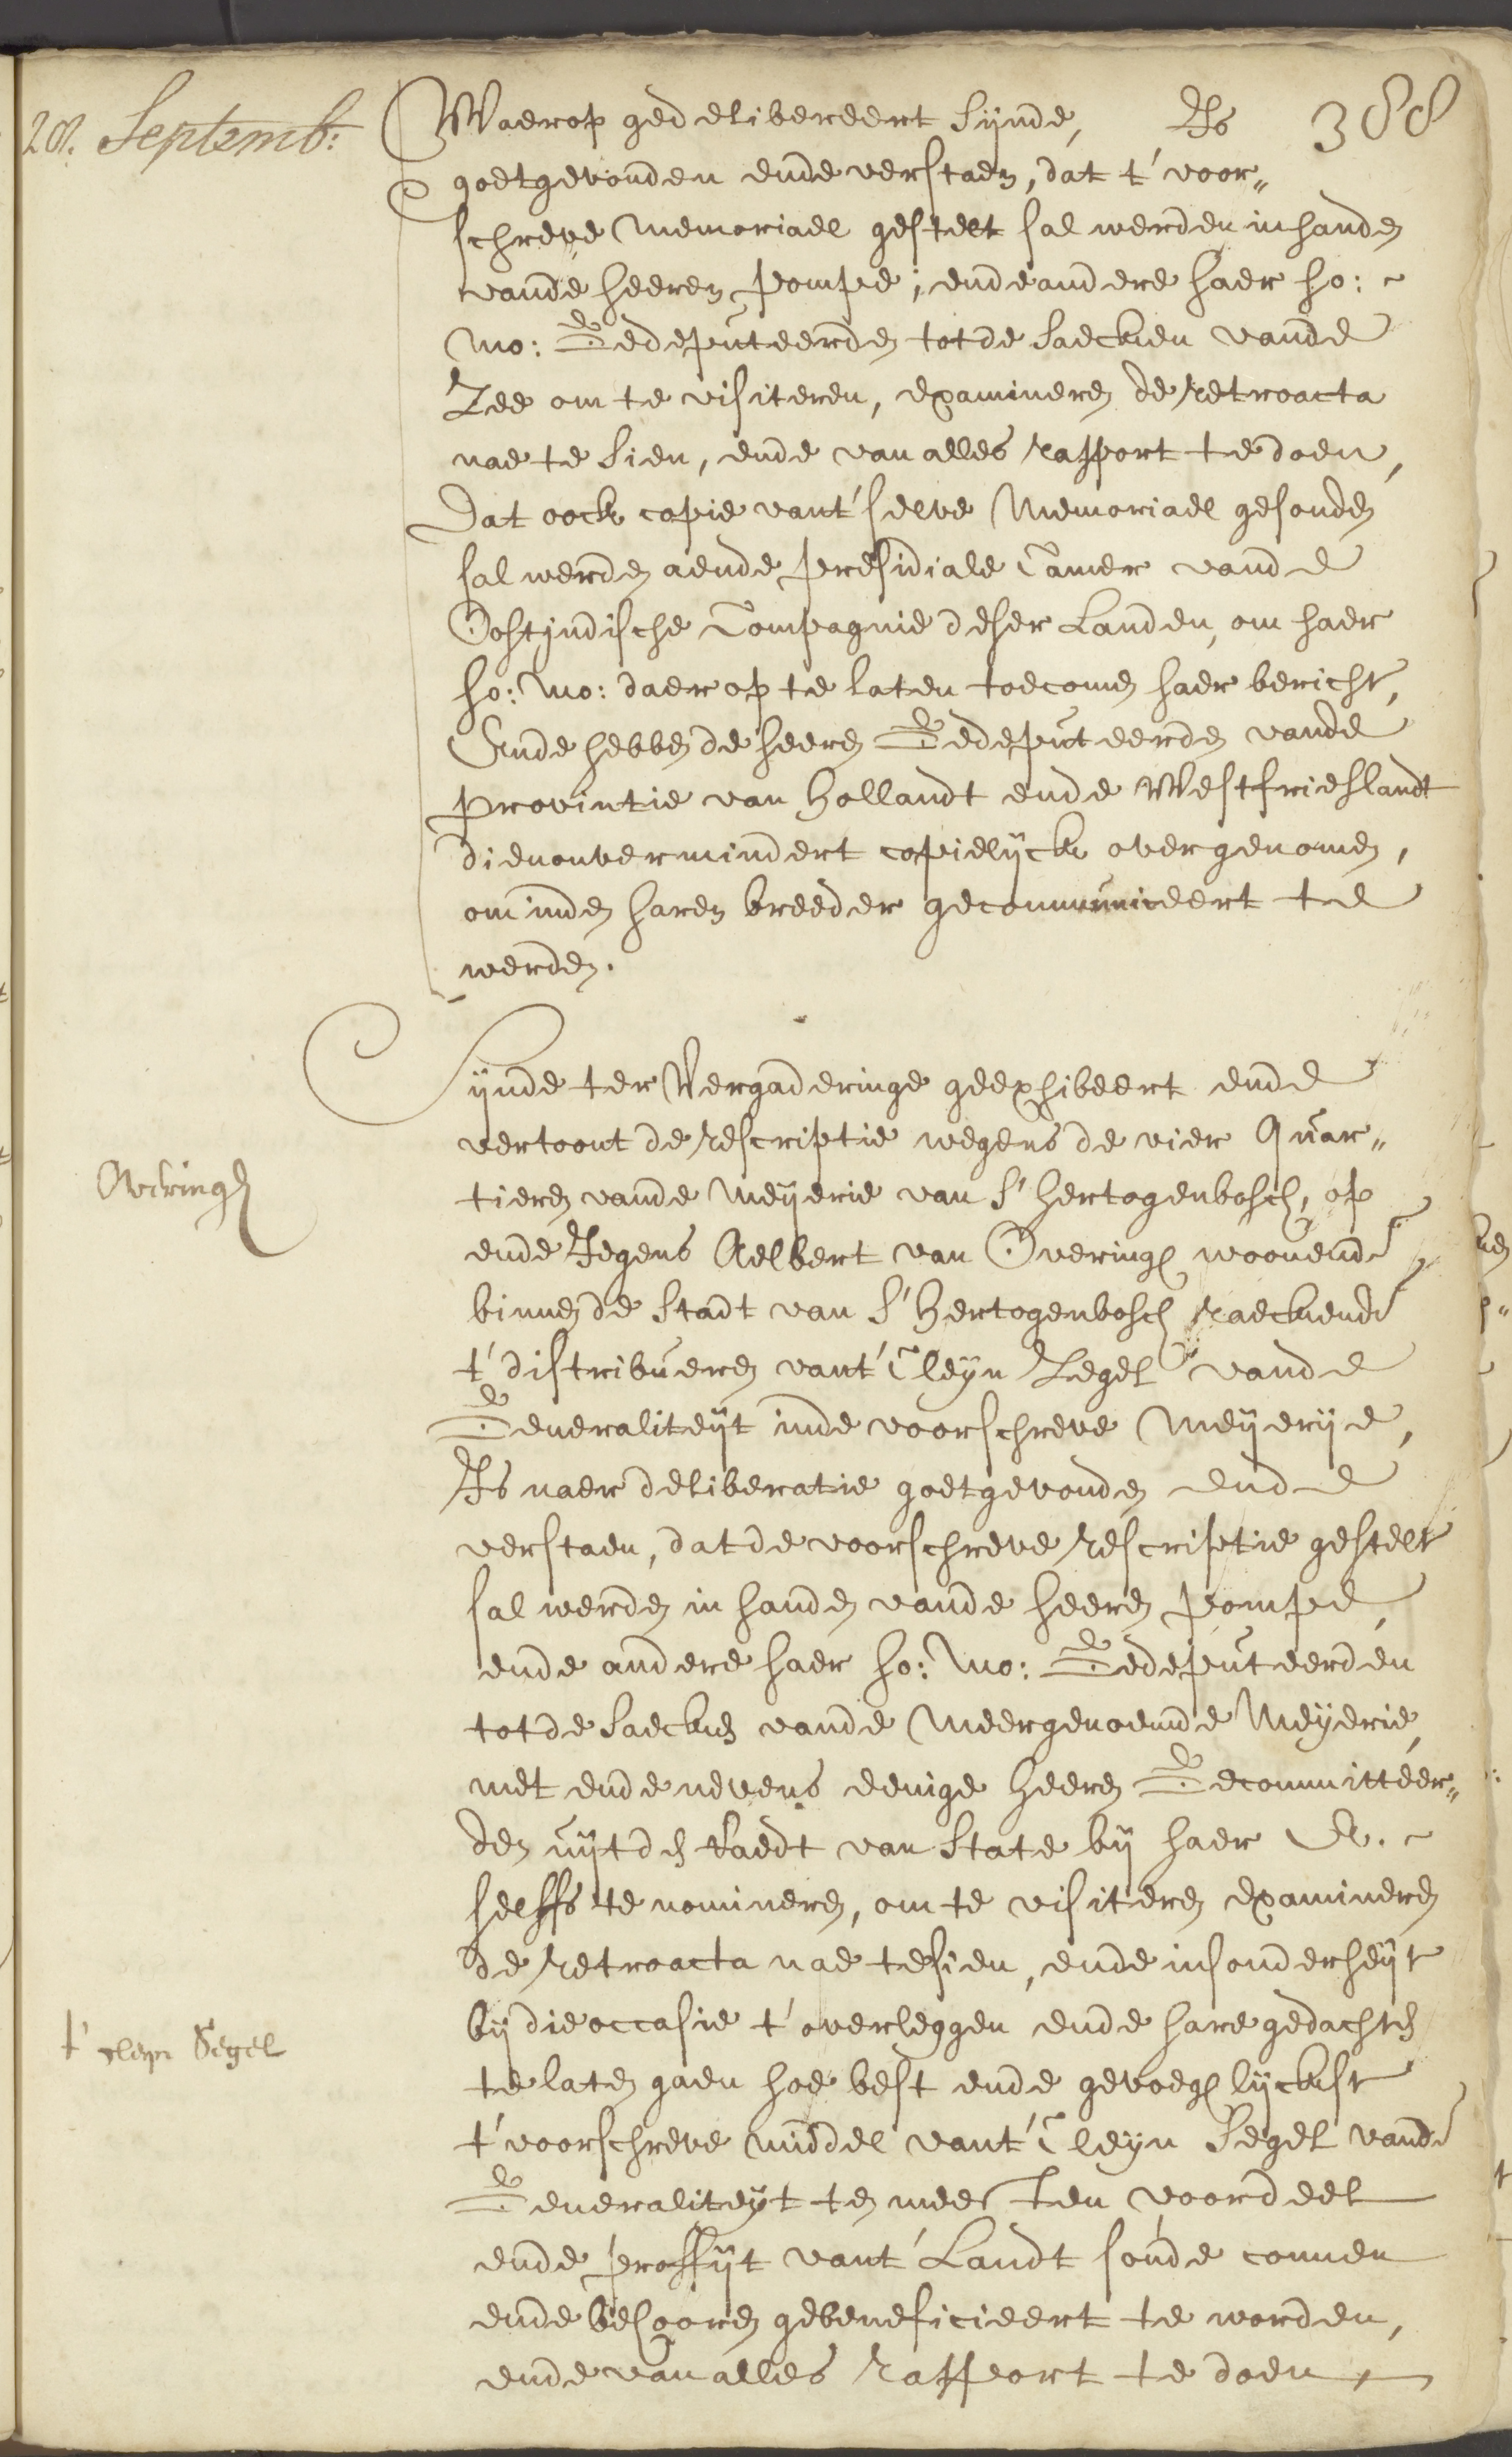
388
28. Septemb:
Waerop gedelibereert sijnde, Is
goetgevonden ende verstaen, dat t' voor„
schreve memoriael gestelt sal werden in handen
vande heeren Pompe, ende andere haer Ho:
Mo: Gedeputeerden tot de saecken vande
Zee om te visiteren, examineren de retroacta
nae te sien, ende van alles rapport te doen.
Dat oock copie vant' selve memoriael gesonden
sal werden aende presidiale Camer vande
Oostindische Compagnie deser Landen, om haer
Ho:Mo: daer op te laten toecomen haer bericht,
Ende hebben de heeren Gedeputeerden vande
Provintie van Hollandt ende Westfrieslandt
dienonvermindert copielijck overgenomen,
om inden haren breeder gecommuniceert te
werden.
Overingh
t'cleyn Segel
Sijnde ter Vergaderinge geexhibeert ende
vertoont de rescriptie wegens de vier Quar,,
tieren vande meijerie van s'Hertogenbosch, op
ende Jegens Aelbert van Overingh, woonende
binnen de Stadt van s'Hertogenbosch raeckende
t‛distribueren vant' Cleijn, Zegel vande
Generaliteijt inde voorschreve meijerije.
Is naer deliberatie goetgevonden ende
verstaen, dat de voorschreve rescriptie gestelt
sal werden in handen vande heeren Pompe,
ende andere haer Ho:Mo: Gedeputeerden
tot de saecken vande meergenoemde Meijerie,
met ende nevens eenige heeren Gecommitteer„
den uijt den Raedt van State bij haer E.
selffs te nomineren, om te visitieren examineren
de retroacta nae tesien, ende insonderheijt
bij die occasie t'overleggen ende hare gedachten
te laten gaen hoe best ende gevoeghlijckst
t'voorschreve middel vant' Cleijn Segel vande
Generaliteijt ten meesten voordeel
ende proffijt vant‛ Landt soude connen
ende behooren gebeneficieert te worden,
ende van alles rapport te doen,
